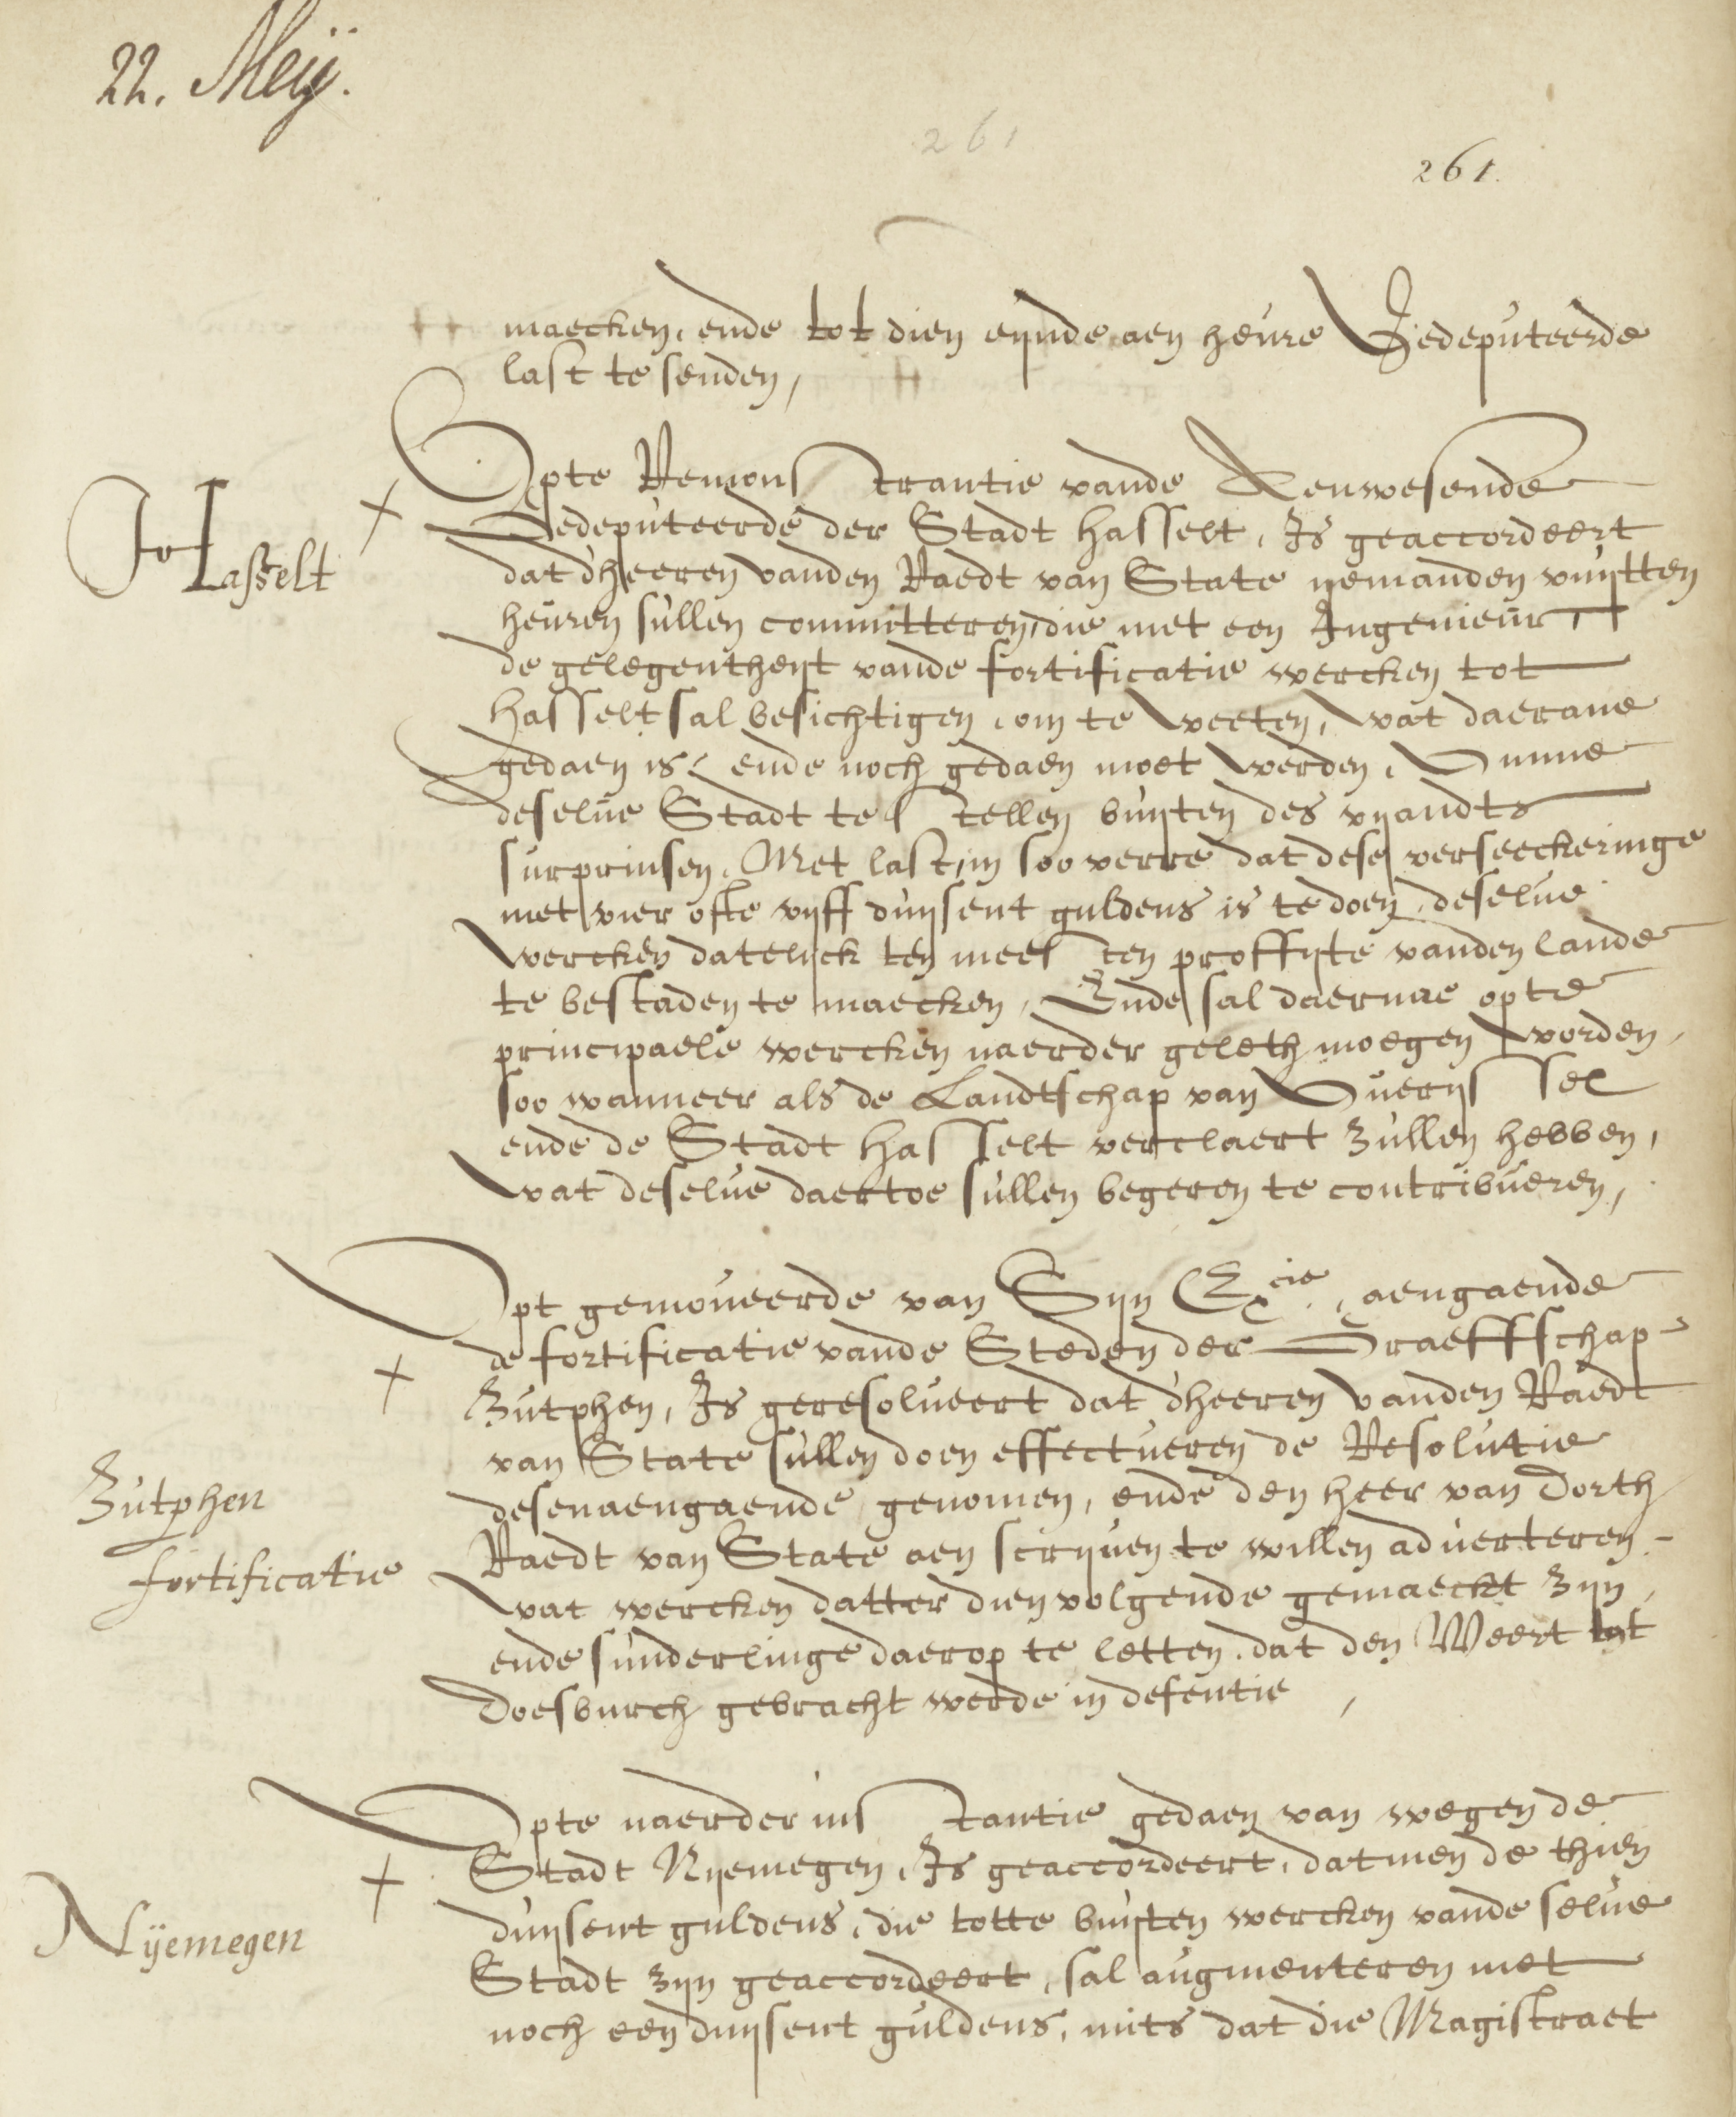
261
261.
22. Mey.
maecken, ende tot dien eynde aen heure Gedeputeerde
last te senden.
Hasselt
Opte Remonstrantie vande aenwesende
Gedeputeerde der Stadt Hasselt, Is geaccordeert
dat d'heeren vanden Raedt van State yemanden vuytten
heuren sullen committeren, die met een Ingenieur
de gelegentheyt vande fortificatie wercken tot
Hasselt sal besichtigen, om te weeten, wat daerane
gedaen is, ende noch gedaen moet werden, Omme
deselue Stadt te stellen buyten des vyandts
surprinsen, met last, im soo verre dat dese verseeckeringe
met vier ofte vyff duysent guldens is te doen, deselue
wercken datelyck ten meesten proffyte vanden lande
te bestaden te maecken. Ende sal daernae opte
principaele wercken naerder geleth moegen worden,
soo wanneer als de Landtschap van Overyssel
ende de Stadt Hasselt verclaert zullen hebben,
wat deselue daertoe sullen begeren te contribueren.
Zutphen
fortificatie
Opt gemoueerde van Syn Excie. aengaende
de fortificatie vande Steden der Graeffschap
Zutphen, Is geresolueert dat d'heeren vanden Raedt
van State sullen doen effectueren de Resolutie
desenaengaende genomen, ende den heer van Dorth
Raedt van State aen scryuen te willen adverteren -
wat wercken datter dienvolgende gemaeckt zyn,
ende sunderlinge daerop te letten, dat den Weert tot
Doesburch gebracht werde in defentie.
Nijemegen
Opte naerder instantie gedaen van wegen de
Stadt Nyemegen, Is geaccordeert, dat men de thien
duysent guldens, die totte buyten wercken vande selue
Stadt zijn geaccordeert, sal augmenteren met
noch een duysent guldens, mits dat die Magistraet
